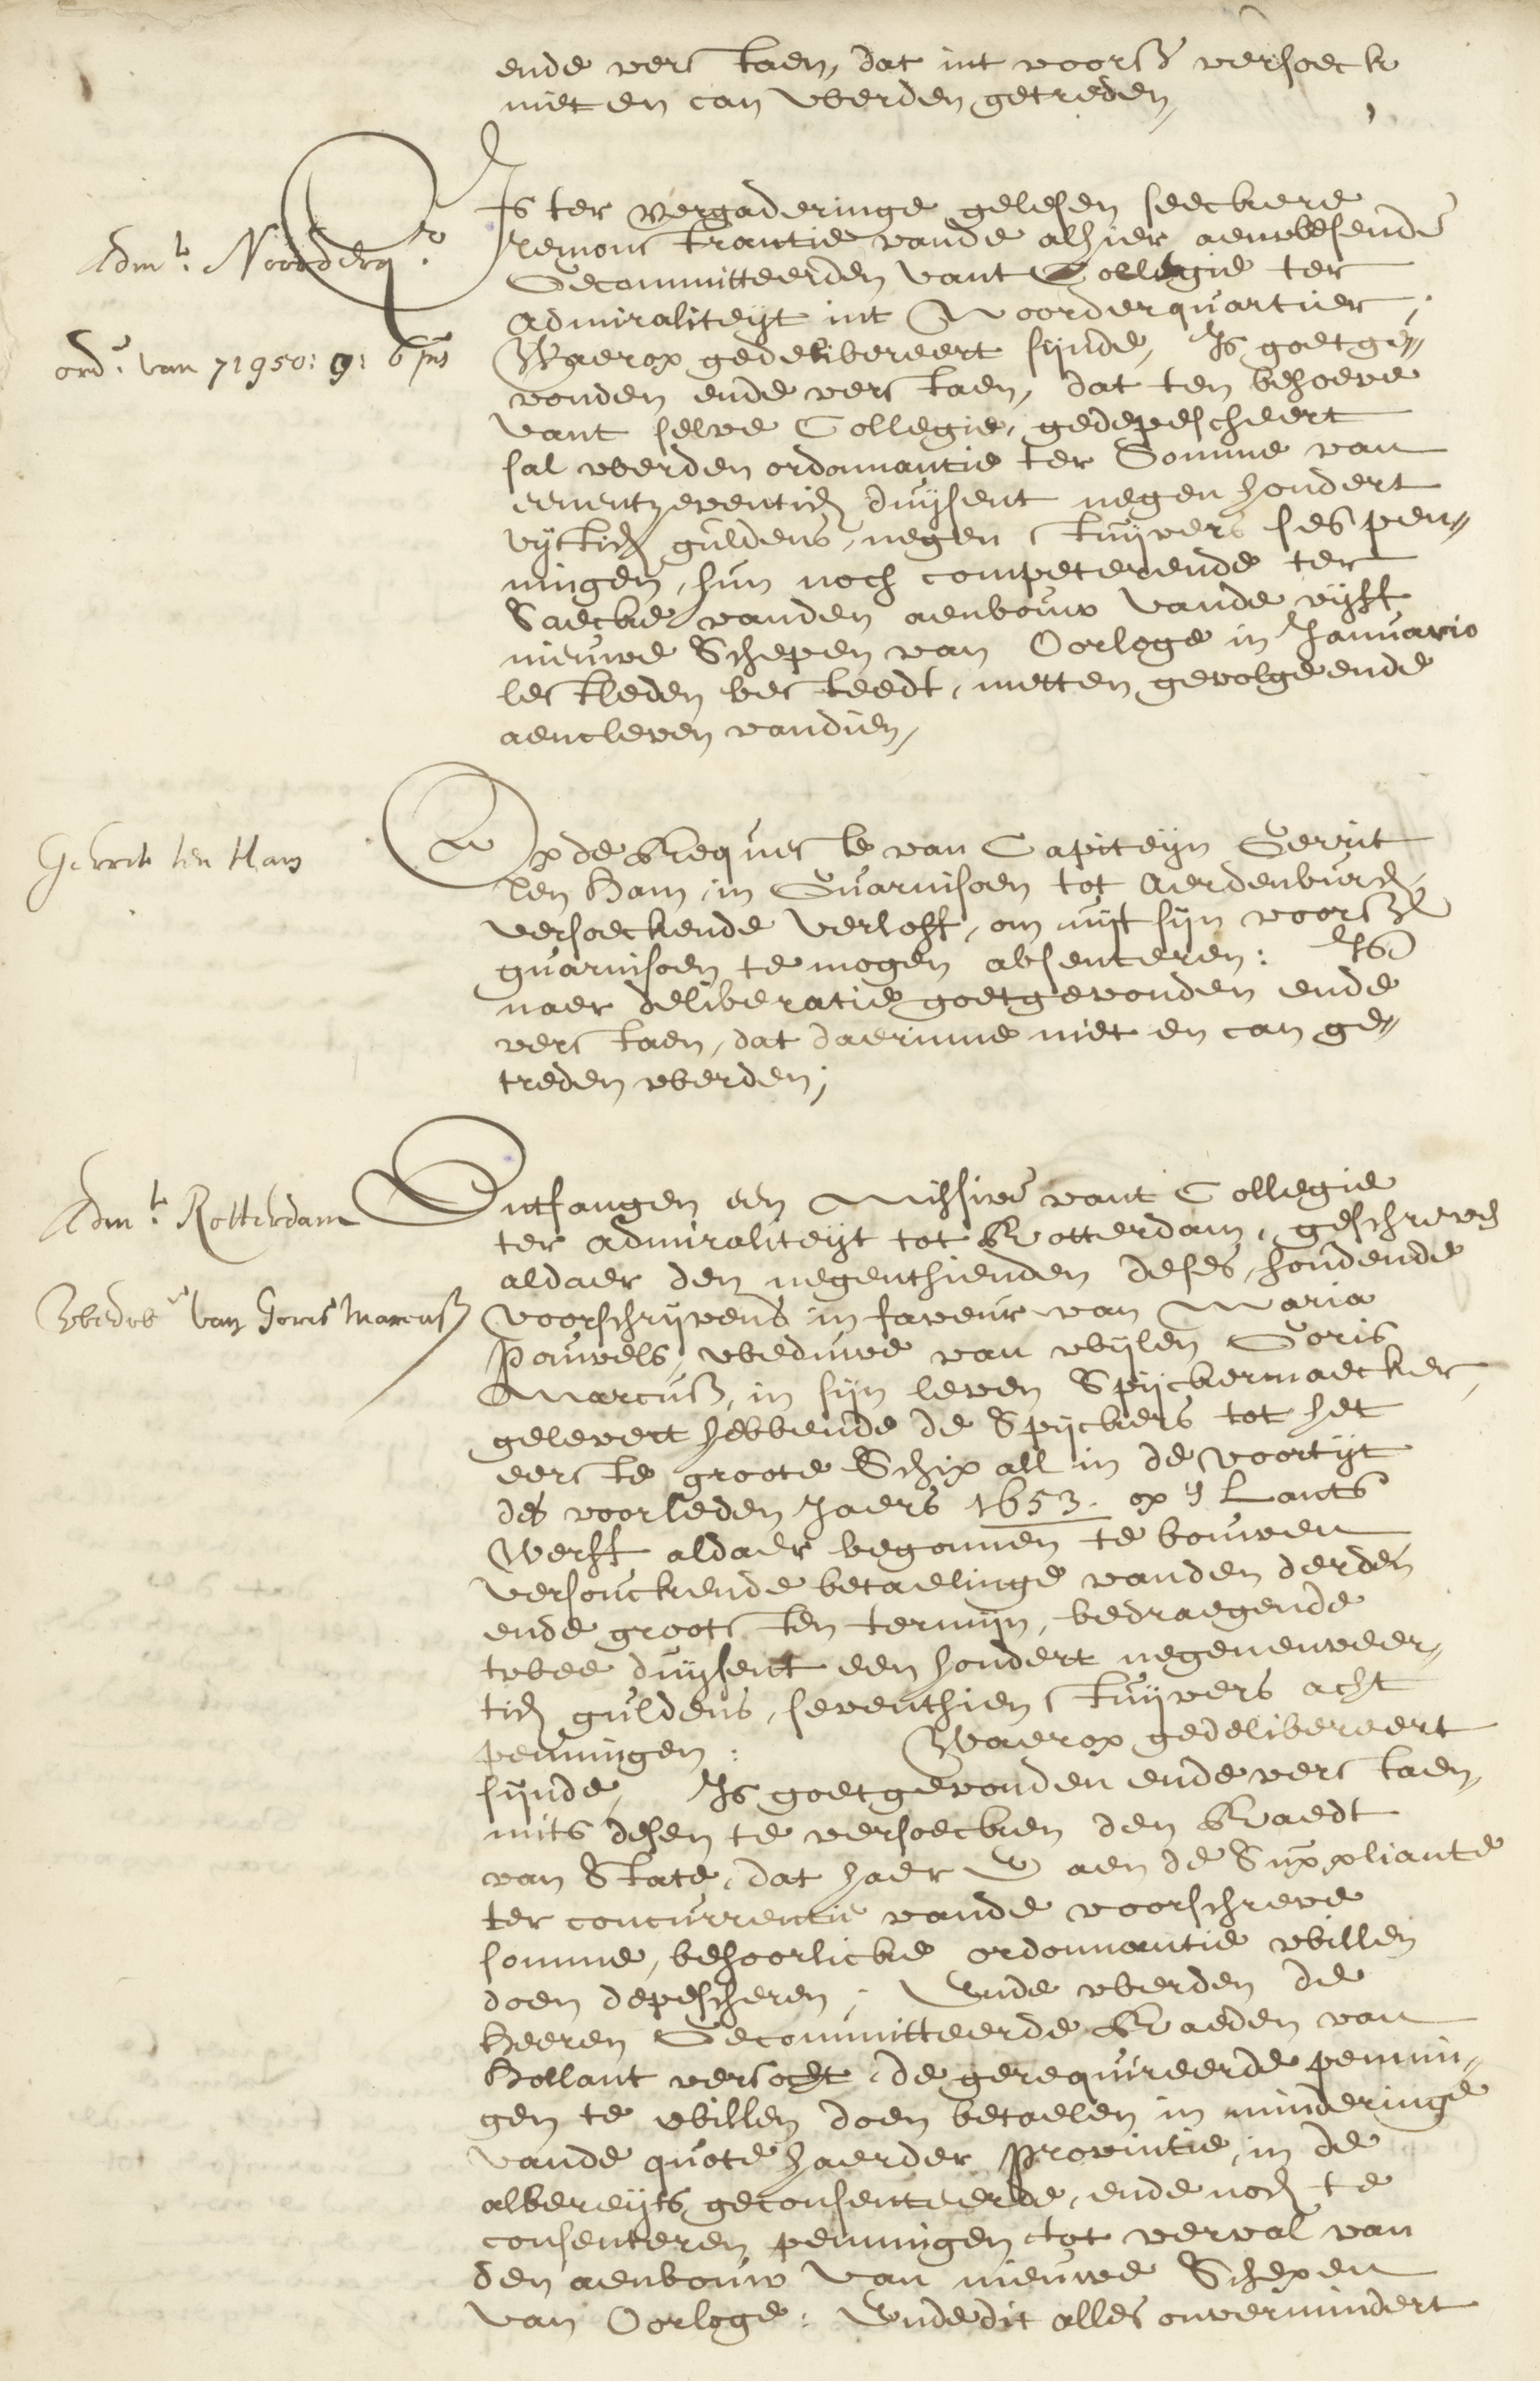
ende verstaen, dat int voorss. versoeck
niet en can werden getreden.
Admt. Noorderqr.
orde. van 71950: 9: 6 st.
Is ter vergaderinge gelesen seeckere
remonstrantie vande alhier aenwesende
Gecommitteerden vant Collegie ter
Admiraliteijt int Noorderquartier;
Waerop gedelibereert sijnde, Is goetge„
vonden ende verstaen, dat ten behoeve
vant selve Collegie, gedepescheert
sal werden ordonnantie ter Somme van
eenentzeventich duijsent negen hondert
vijftich guldens, negen stuijvers ses pen„
ningen, hun noch competerende ter
Saecke vanden aenbouw vande vijff
nieuwe Schepen van Oorloge in Januario
lestleden besteedt, metten gevolge ende
aencleven vandien.
Gerrit ten Ham
Op de Requeste van Capiteijn Gerrit
ten Ham, in Guarnisoen tot Aerdenburch,
versoeckende verloff, om uijt sijn voorss.
guarnisoen te mogen absenteren: Is
naer deliberatie goetgevonden ende
verstaen, dat daerinne niet en can ge„
treden werden;
Admt. Rotterdam
Wedwe van Goris Marcusz
Ontfangen een Missive vant Collegie
ter admiraliteijt tot Rotterdam, geschreven
aldaer den negenthienden deses, houdende
voorschrijvens in faveur van Maria
Pouwels, weduwe van wijlen Goris
Marcusz, in sijn leven Spijckermaecker,
gelevert hebbende de Spijckers tot het
eerste groote Schip all in de voortijt
des voorleden Jaers 1653. op ‛s Lants
Werff, aldaer begonnen te bouwen
versouckende betaelinge vanden derden
ende grootsten termijn, bedraegende
twee duijsent een hondert negenenveer„
tich guldens, seventhien stuijvers acht
penningen: Waerop gedelibereert
sijnde, Is goetgevonden ende verstaen,
mits desen te versoecken den Raedt
van State, dat haer E. aen de Suppliante
ter concurrentie vande voorschreve
somme, behoorlicke ordonnantie willen
doen depescheren; Ende werden de
Heeren Gecommitteerde Raeden van
Hollant versocht, de gerequireerde pennin„
gen te willen doen betaelen in minderinge
vande quote haerder provintie, in de
albereijts geconsenteerde, ende noch te
consenteren penningen tot verval van
den aenbouw van nieuwe Schepen
van Oorloge: Ende dit alles onvermindert
